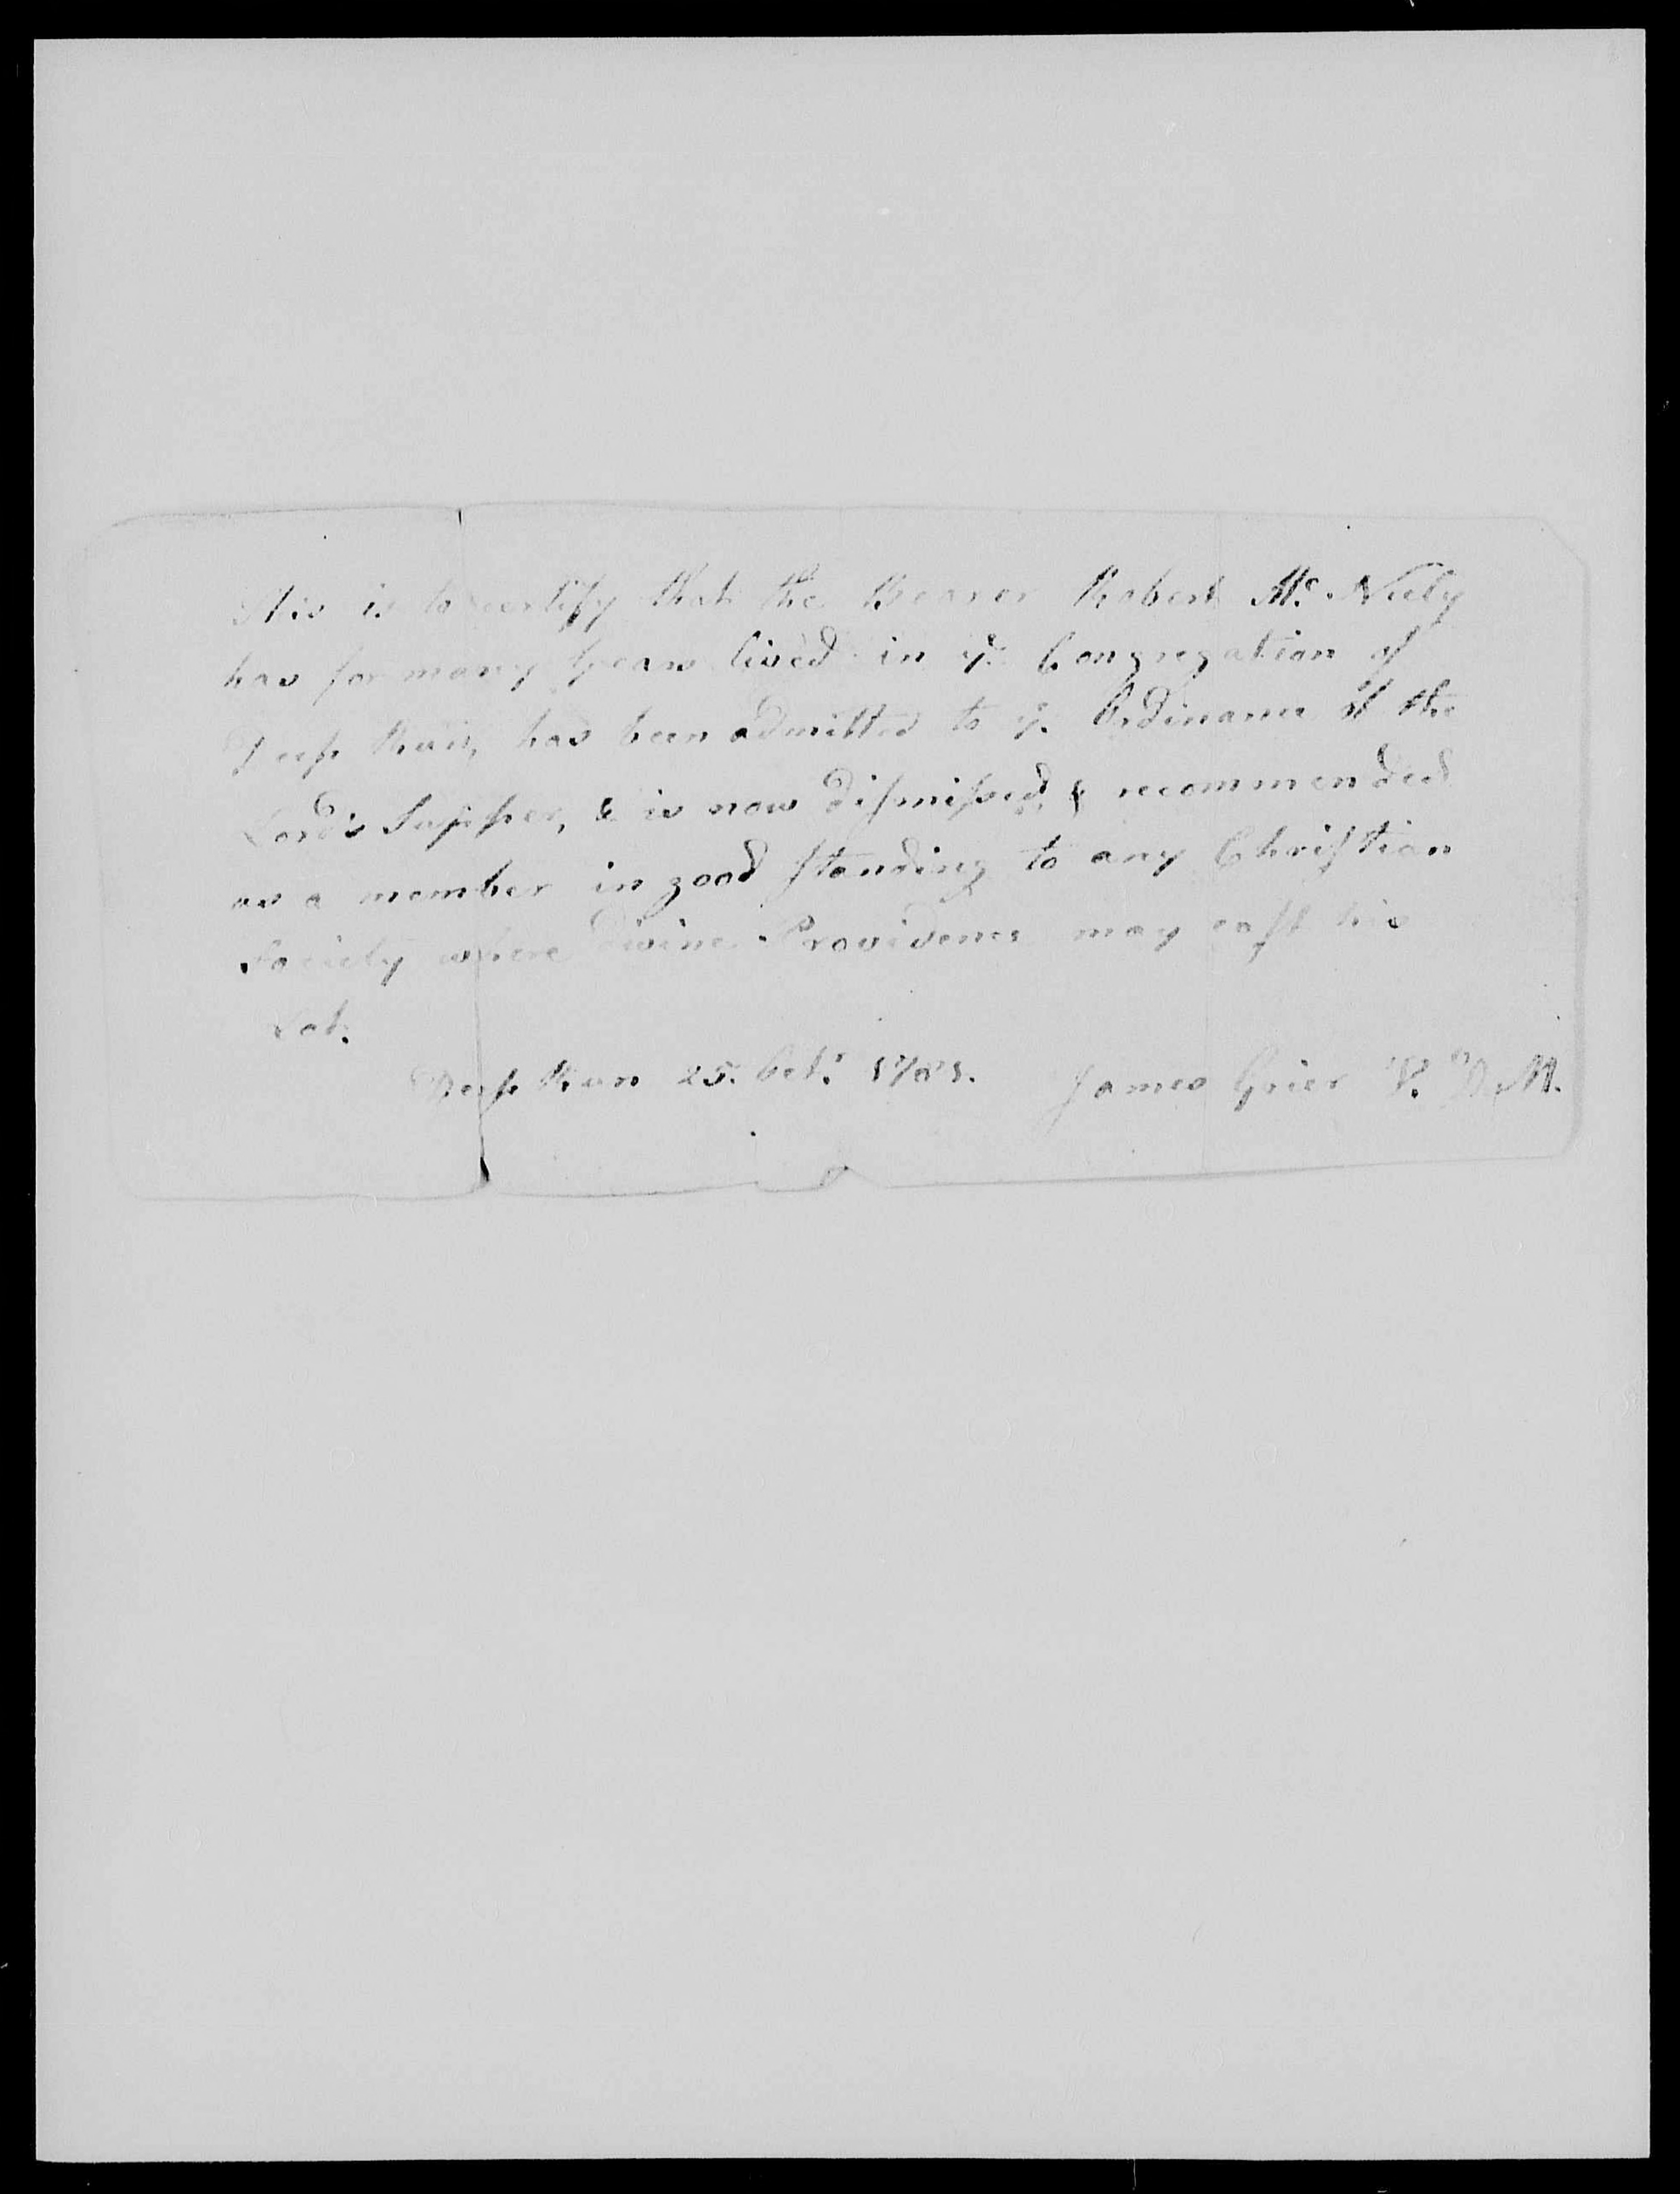This is to certify that the Bearer Robert McNeely has
for many years lived in [the] Congregation of
Deep River, has been admitted to in Ordinance of the
Lord’s Supper, & is now dismissed & recommended
as a member in good standing to any Christian
Society where Divine Providence may call his Lot.
Deep River 25 Oct. 17[?]8
James Grier [P. ?. M.]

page: 10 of 13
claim: rejected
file: R. 6801, for Robert Mc Neely, Pennsylvania